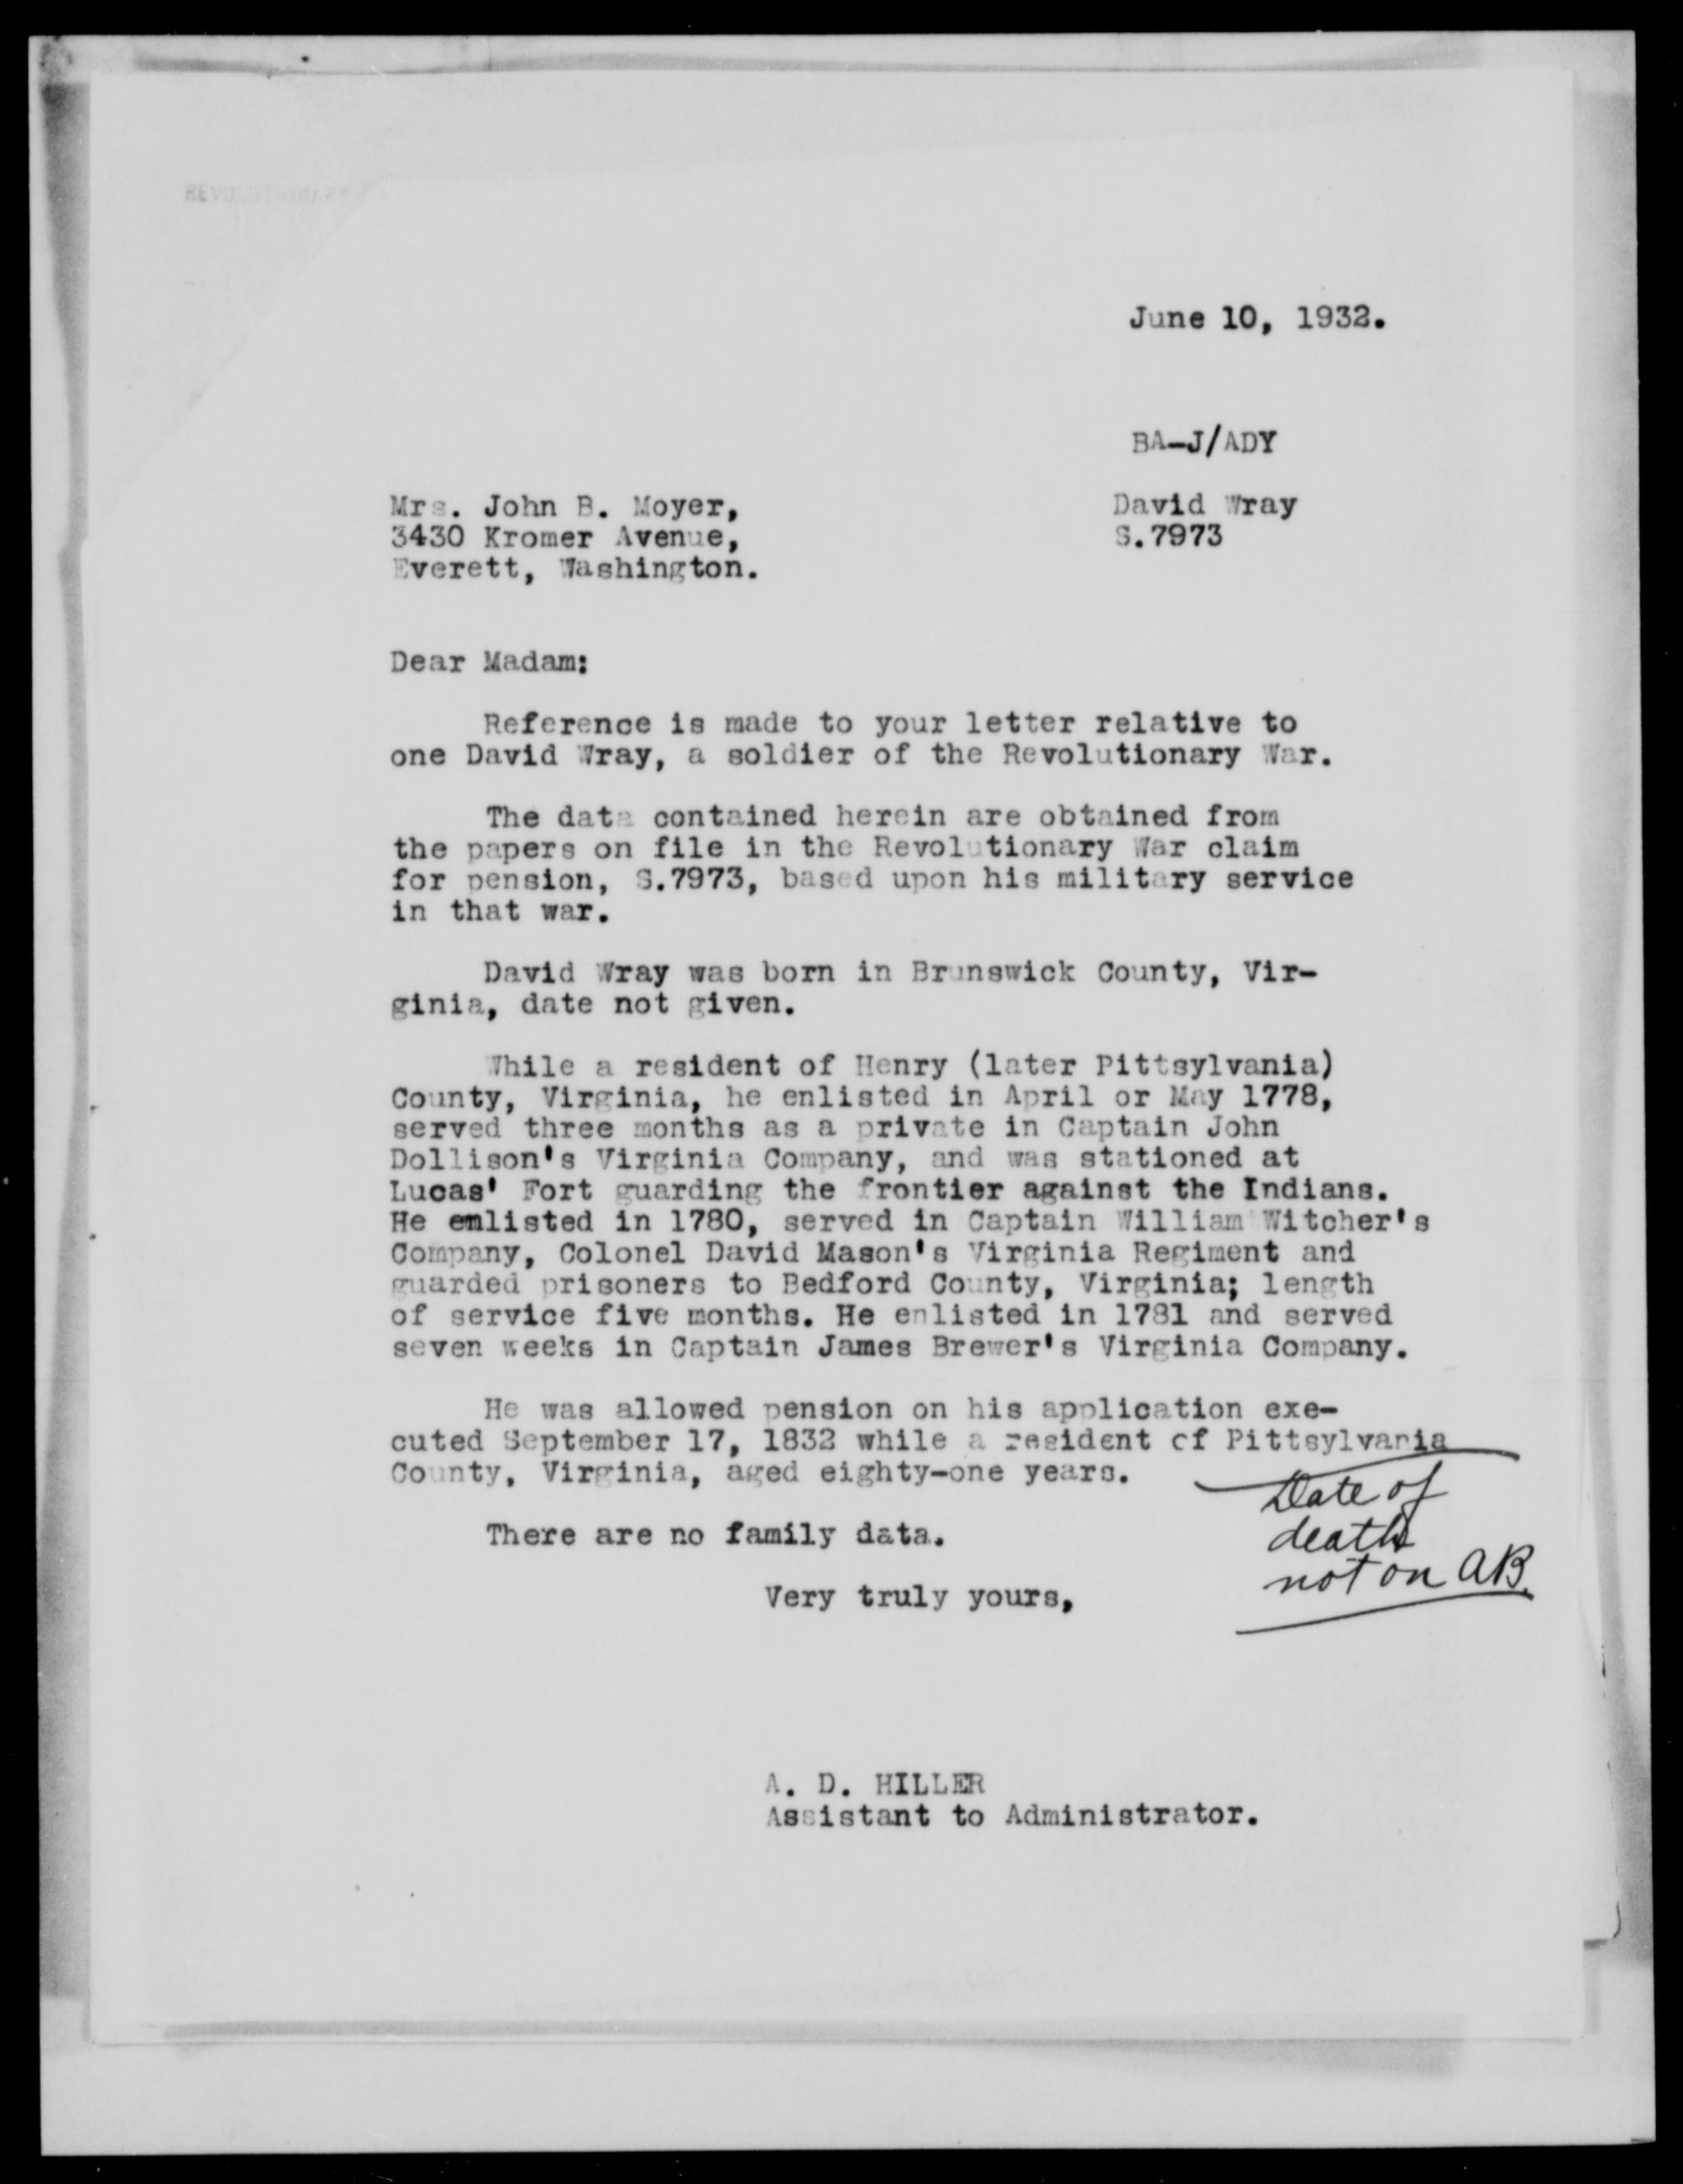June 10, 1932.

BA-J/ADY

David Wray
S.7973

Mrs. John B. Moyer,
3430 Kromer Avenue,
Everett, Washington.

Dear Madam:
    Reference is made to your letter relative to
one David Wray, a soldier of the Revolutionary War.
     The data contained herein are obtained from
the papers on file in the Revolutionary War claim
for pension, S.7973, based upon his military service
in that war.
     David Wray was born in Brunswick County, Vir-
ginia, date not given.
     While a resident of Henry (later Pittsylvania)
County, Virginia, he enlisted in April or May 1778,
served three months as a private in Captain John
Dollison's Virginia company, and was stationed at 
Lucas' Fort guarding the frontier against the Indians.
He enlisted in 1780, served in Captain William Witcher's
Company, Colonel David Mason's Virginia Regiment and
guarded prisoners to Beford County, Virginia; length
of service five months.  He enlisted in 1781 and served
seven weeks in Captain James Brewer's Virginia Company.
     He was allowed pension on his application exe-
cuted September 17, 1832 while a resident of Pittsylvania
County, Virginia, aged eighty-one years.
                                                              Date of
                                                                death
                                                               not on AB.
     There are no family data.
       Very truly yours,

A.D. HILLER
Assistant to Administrator.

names: A D Hiller, David Wray, John B Moyer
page: 10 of 19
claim: survivor's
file: S. 7,973, David Wray, Va.